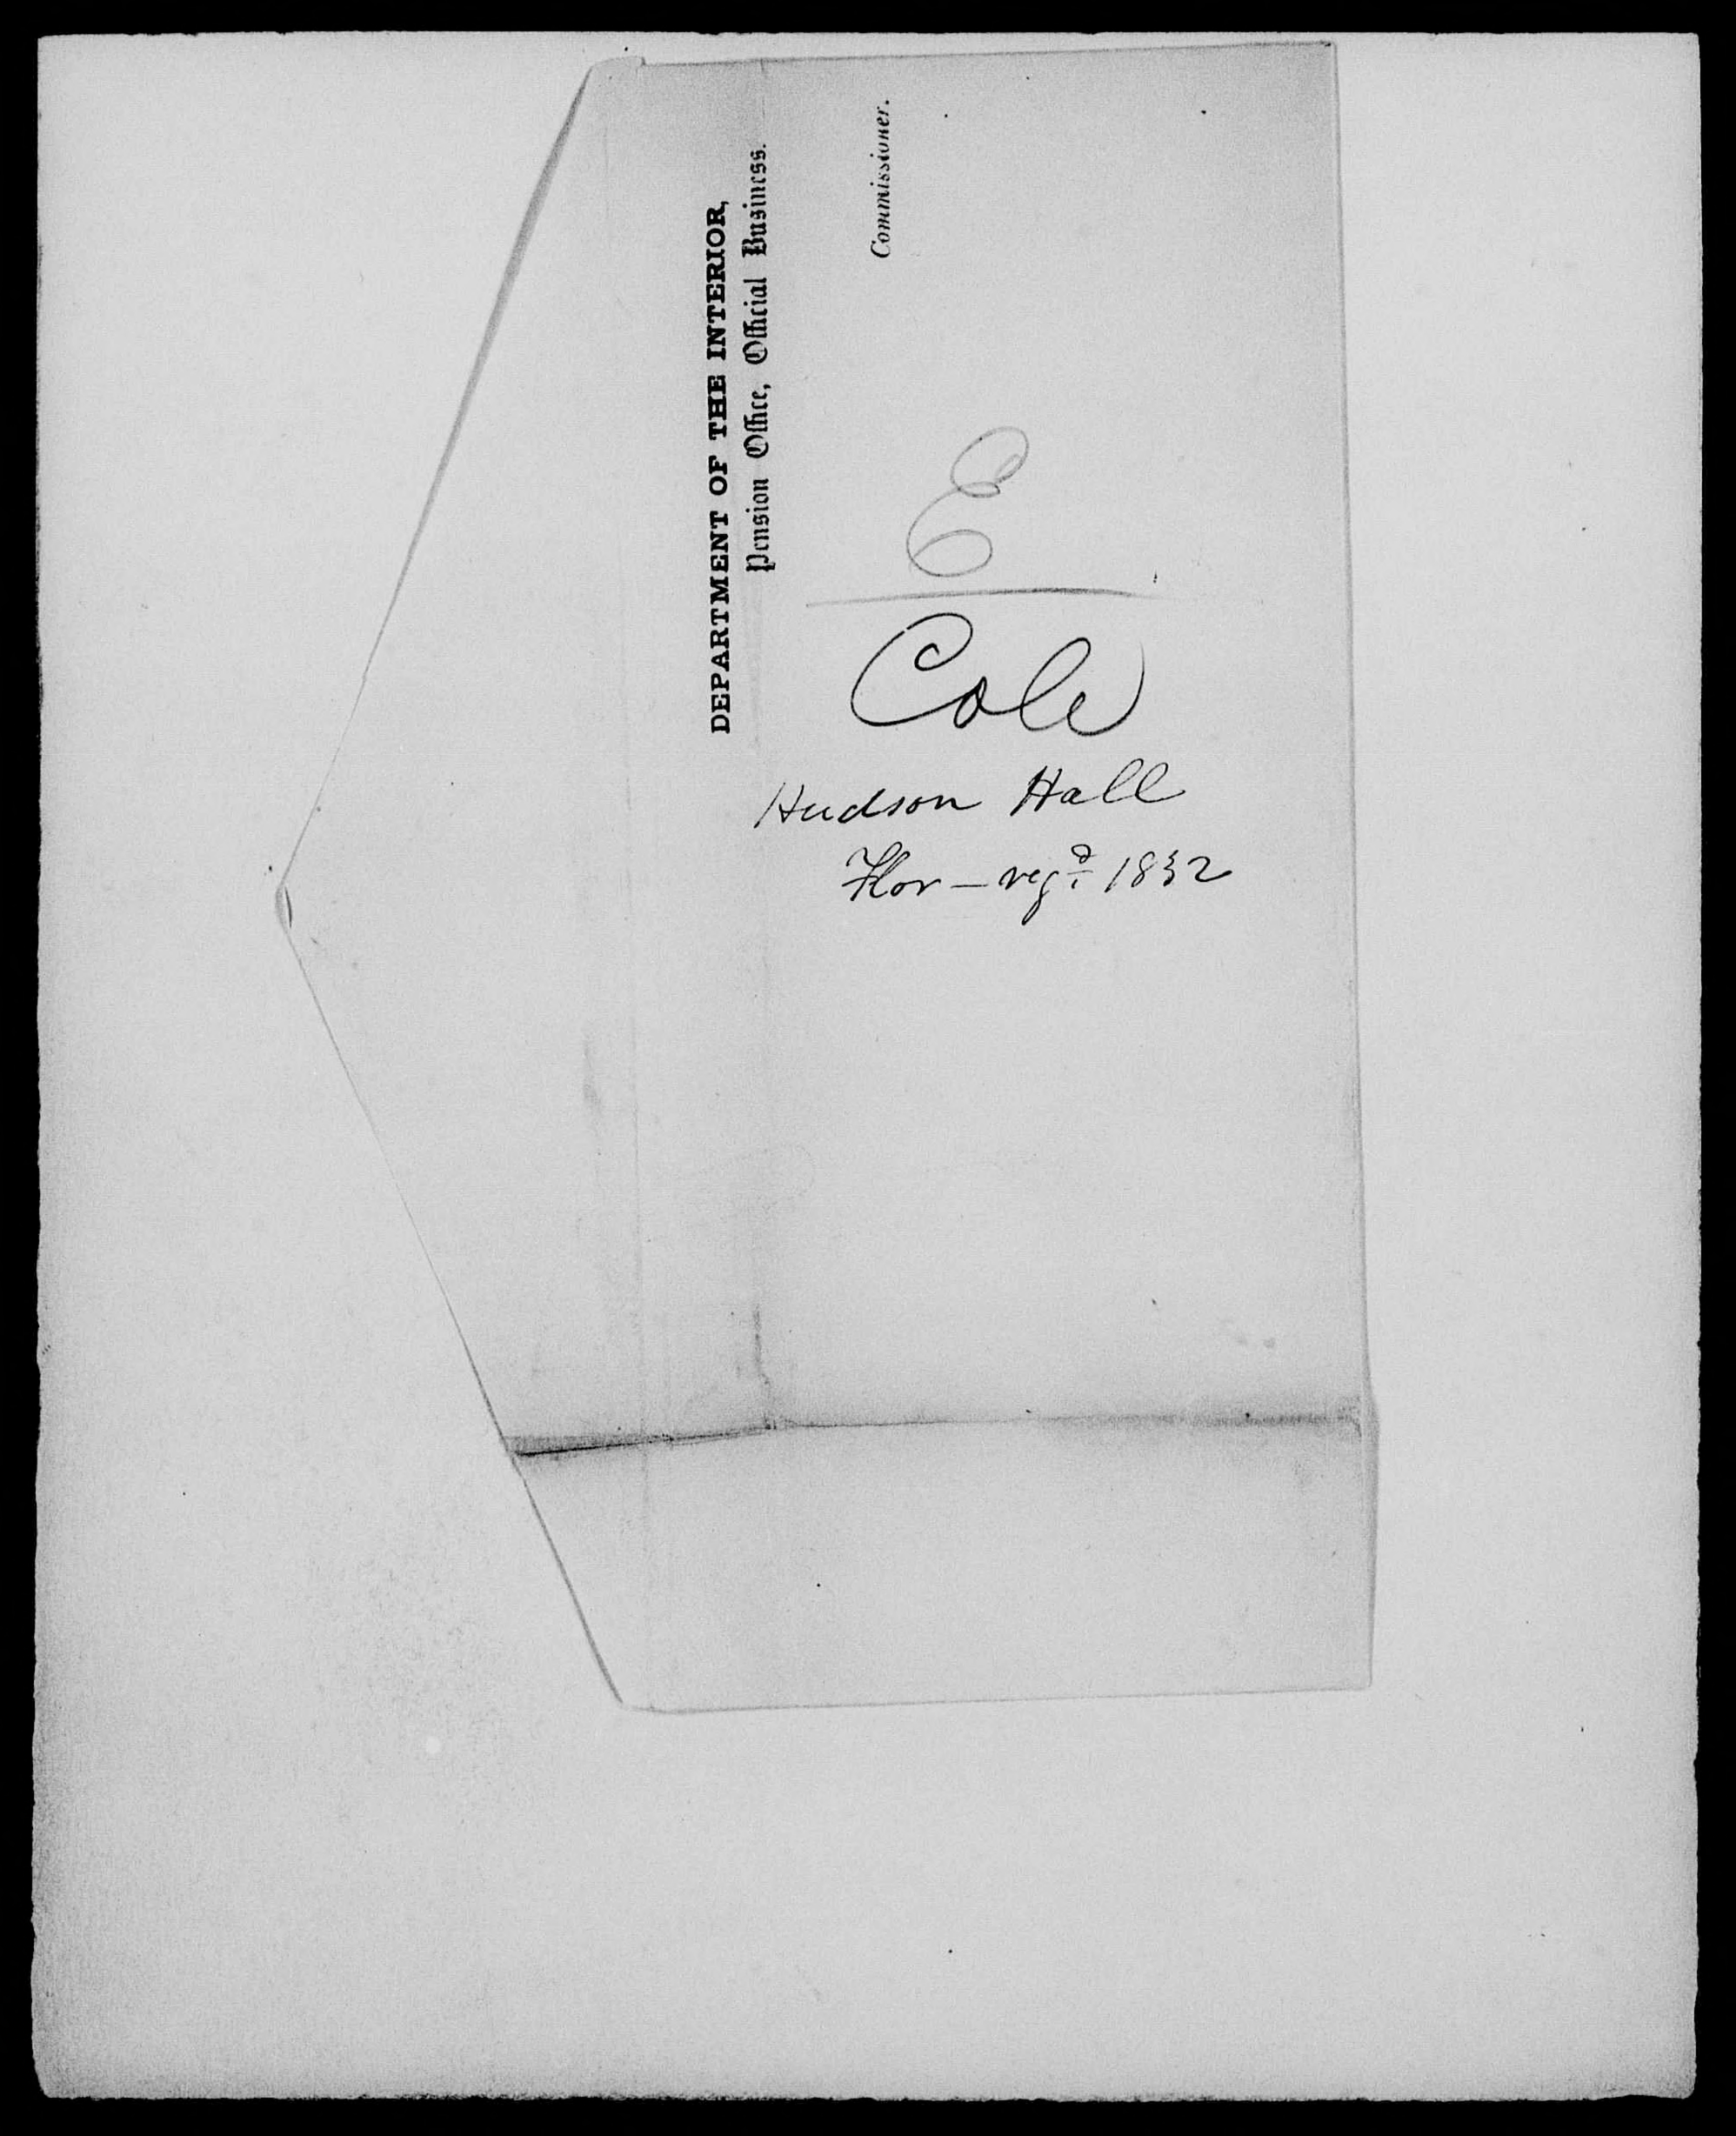Department of the Interior
Pension Office, Official Business
Commissioner

E
Cole
Hudson Hall
[Illegible] 1852

[Note: This is an envelope]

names: Hudson Hall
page: 11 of 14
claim: rejected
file: R. 4463, Hall Hudson, S.C.